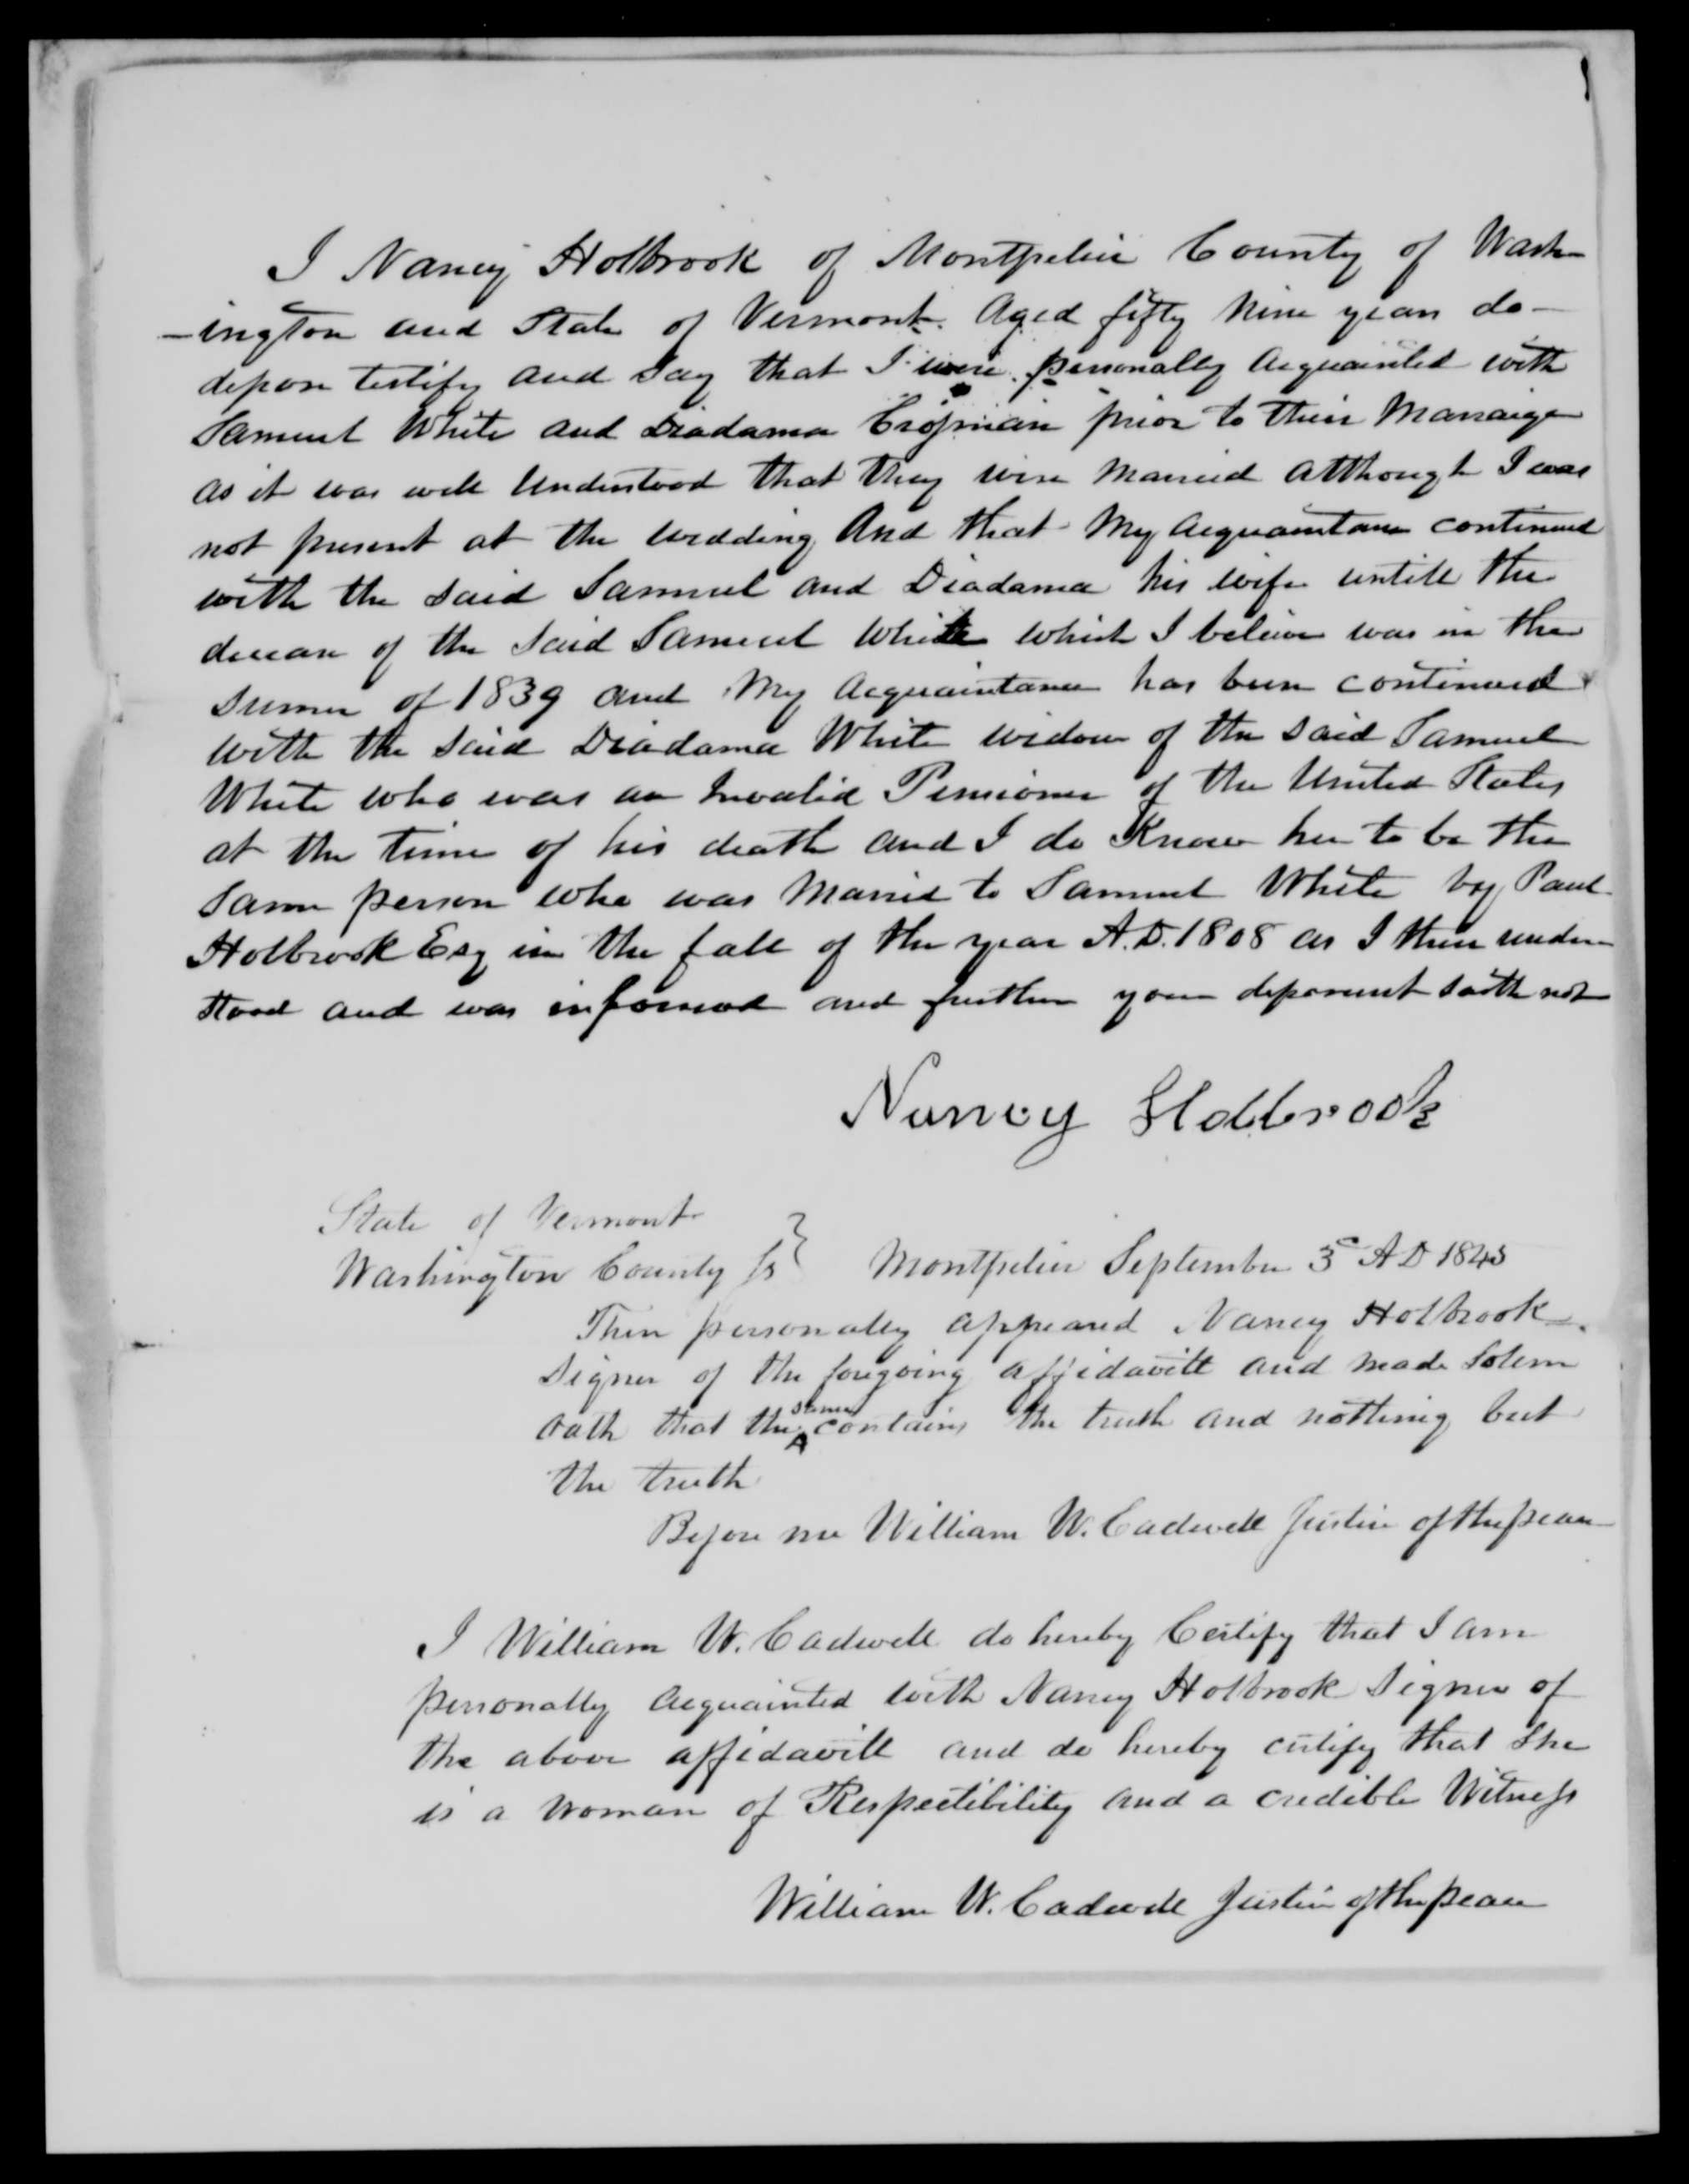I Nancy Holbrook of Montpelier county of Washington and State of Vermont aged fifty nine years do depose testify and sat that I was personally acquainted with Samuel White and Diadama Crosman prior the their marriage as it was well understood that they were married although I was not present at the wedding and that my acquaintance continued with the said Samuel and Diadama his wife untill the decease of the said Samuel White which I believe was in the summer of 1839 and my acquaintance has been continued with the said Diadama White widow of the said Samuel White who was an invalid Pensioner of the United States at the time of his death and I do know her to be the same person who was married to Samuel White by Paul Holbrook Esq. in the fall of the year A.D. 1808 as I then understood and was informed and further your deponent saith not.
Nancy Holbrook

State of Vermont
Wahington County Ss
Montpelier September 3d 1843
Then personally appeared Nancy Holbrook signer of the foregoing affidavit and made solem oath that the ^same contains the truth and nothing by the truth.
Before me William W. Cadwell
Justice of the peace

I William W. Cadwell do hereby certify that I am personally acquainted with Nancy Holbrook signer of the above affidavit and do hereby certify that she is a woman of Respectibility and a credible Witness.
William W. Cadwell  Justice of the peace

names: William W Cadwell, Nancy Holbrook, Diadama Crossman, Samuel White, Paul Holbrook, Diadama White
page: 61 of 79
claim: survivor's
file: S. 11759, Samuel White, Mass.